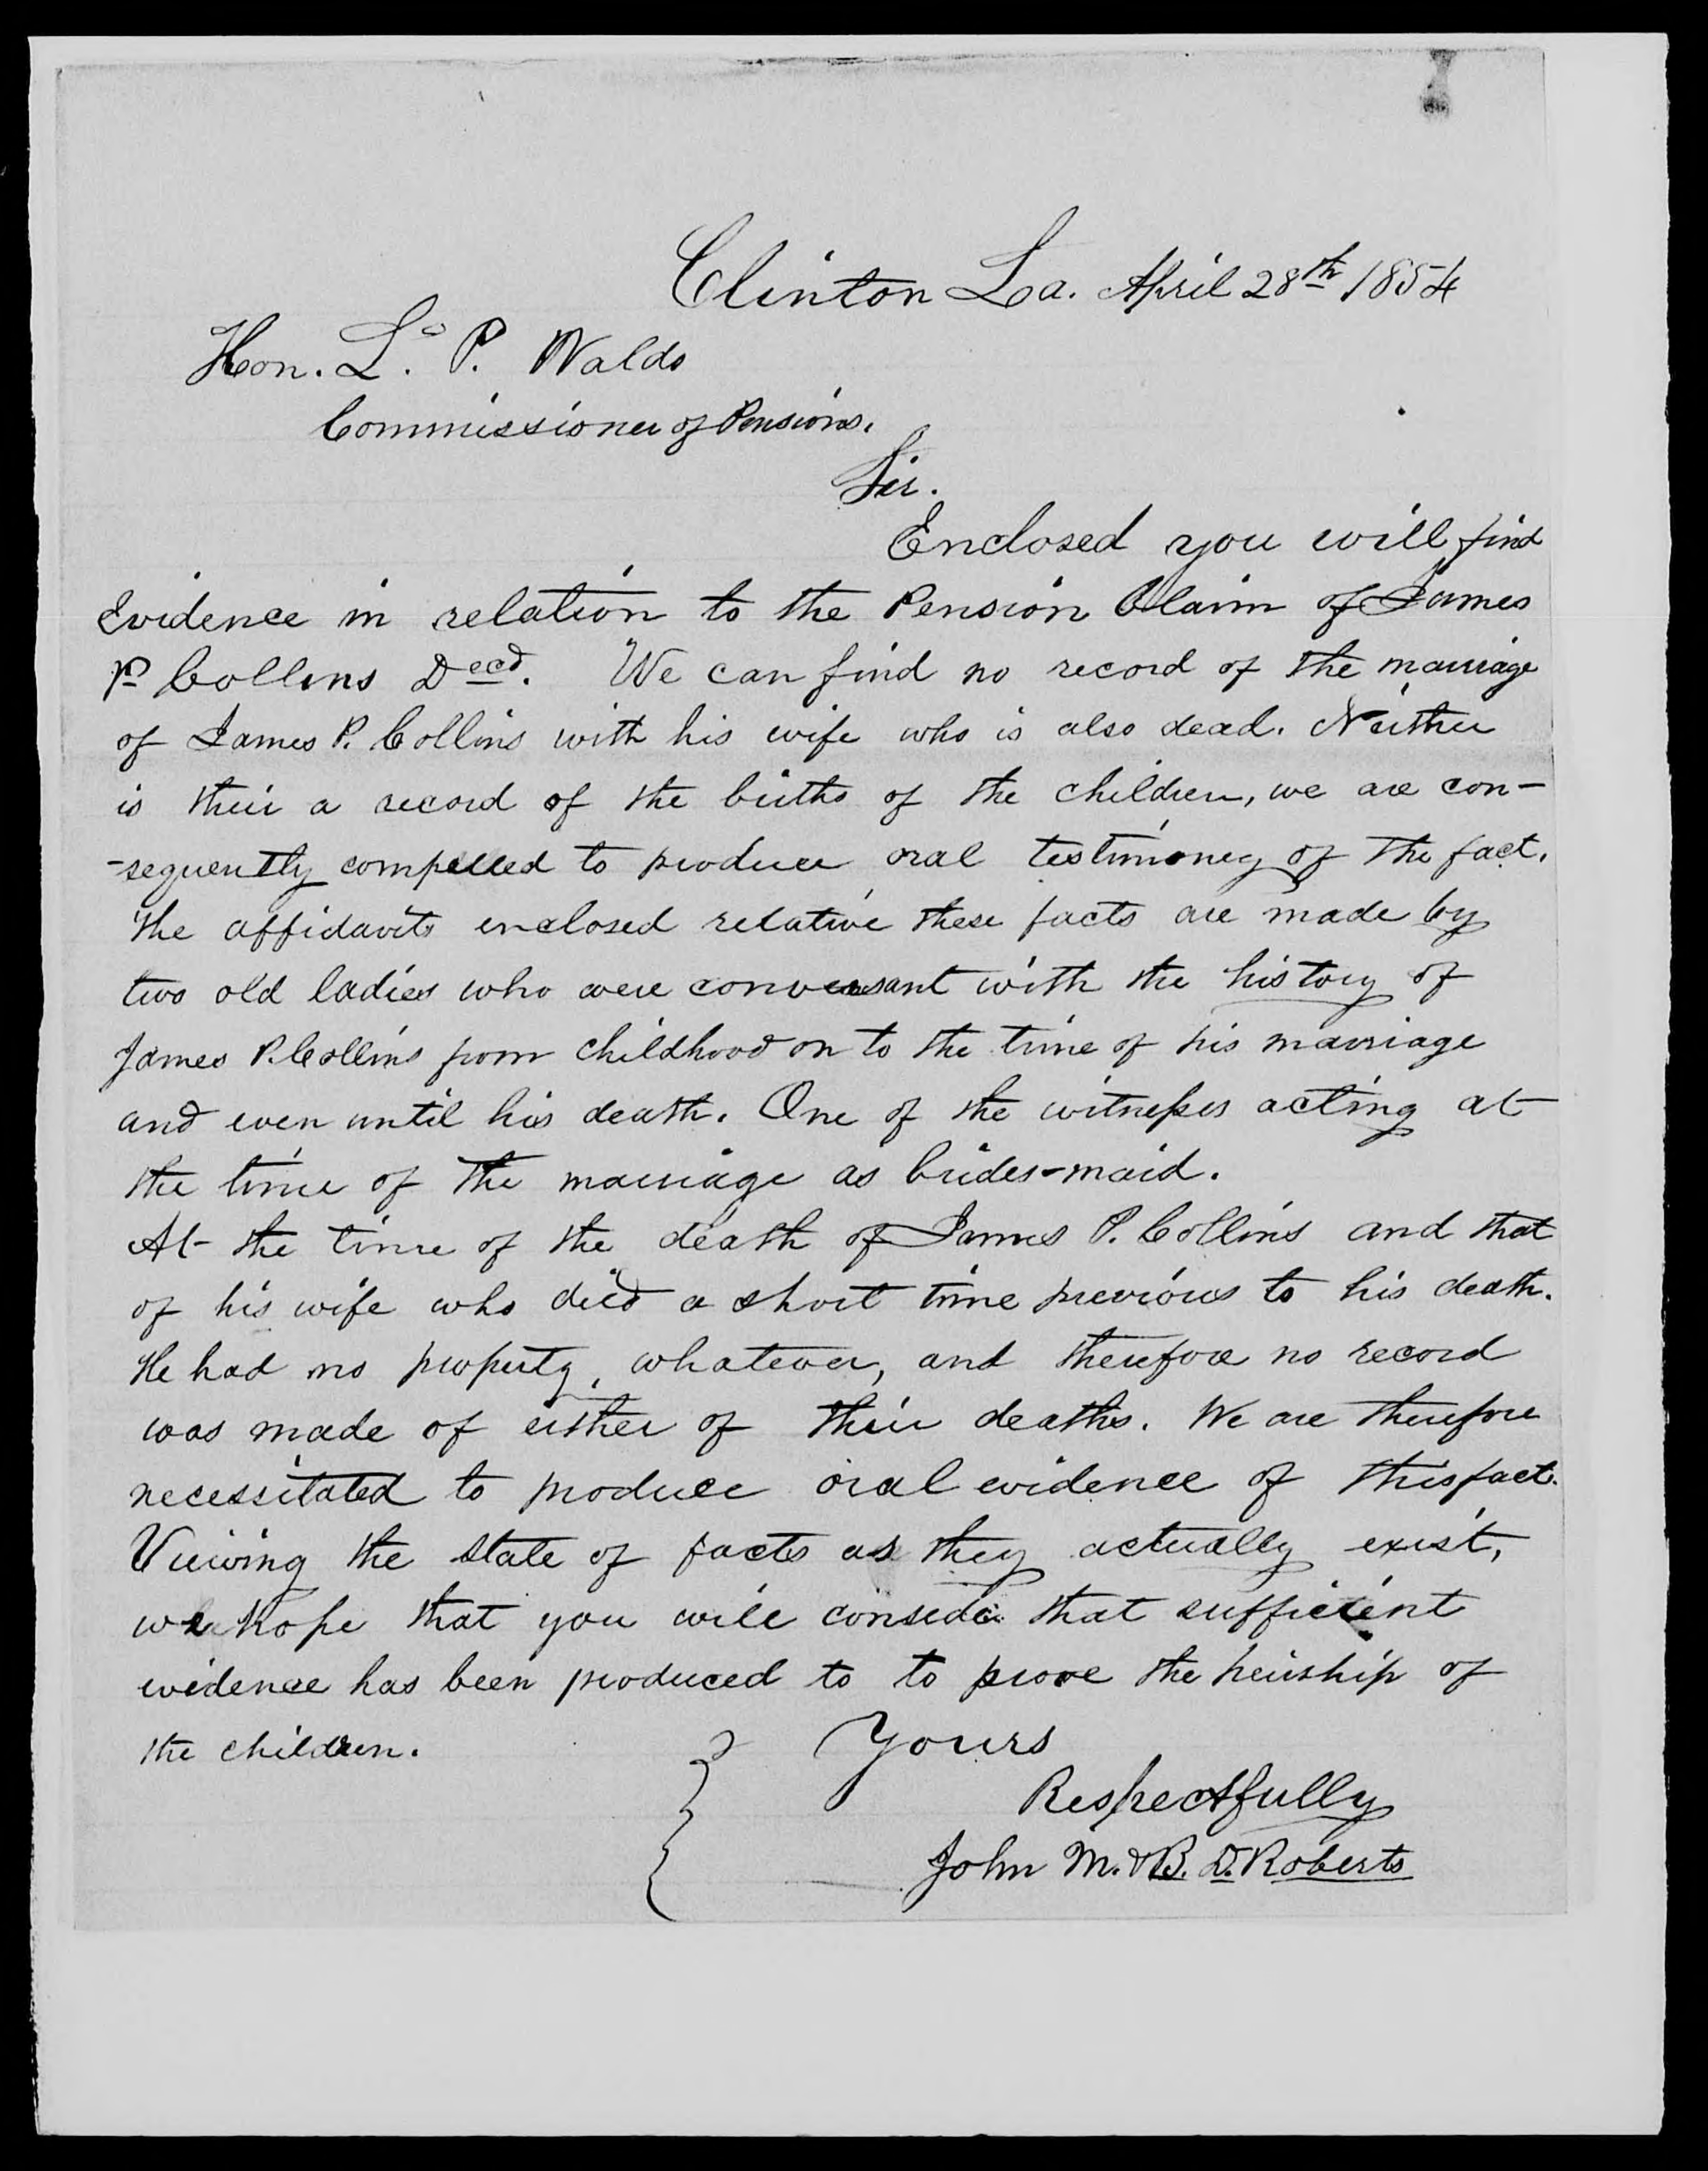Clinton La. April 28th 1854
Hon. L. P. Waldo
Commissioner of Pensions,
Sir
Enclosed you will find Evidence in relation to the Pension Claim of James Collins Decd. We can find no record of the marriage of James P. Collins with his wife who is also dead. Neither is their a record of the births of the children, we are consequently compelled to produce oral testimony of the fact.

The affidavits enclosed relative these facts are made by two old ladies who were conversant with the history of James P. Collins from childhood on to the time of his marriage and even until his death. One of the witnesses acting at the time of the marriage as brides maid.

At the time of the death of James P. Collins and that of his wife who died a short time previous to his death. He had no property whatever, and therefore no record was made of either of their deaths. We are therefore necessitated to produce oral evidence of this facts Viewing the State of facts as they actually exist, we hope that you will consider that sufficient evidence has been produced to to prove the heirship of the children.

Yours Respectfully
John M. & B. D. Roberts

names: John M Roberts, James P Collins, L P Waldo, James P Collins, James P Collins, James P Collins, B D Roberts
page: 28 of 48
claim: rejected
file: R. 2173, James P Collins, S. C.